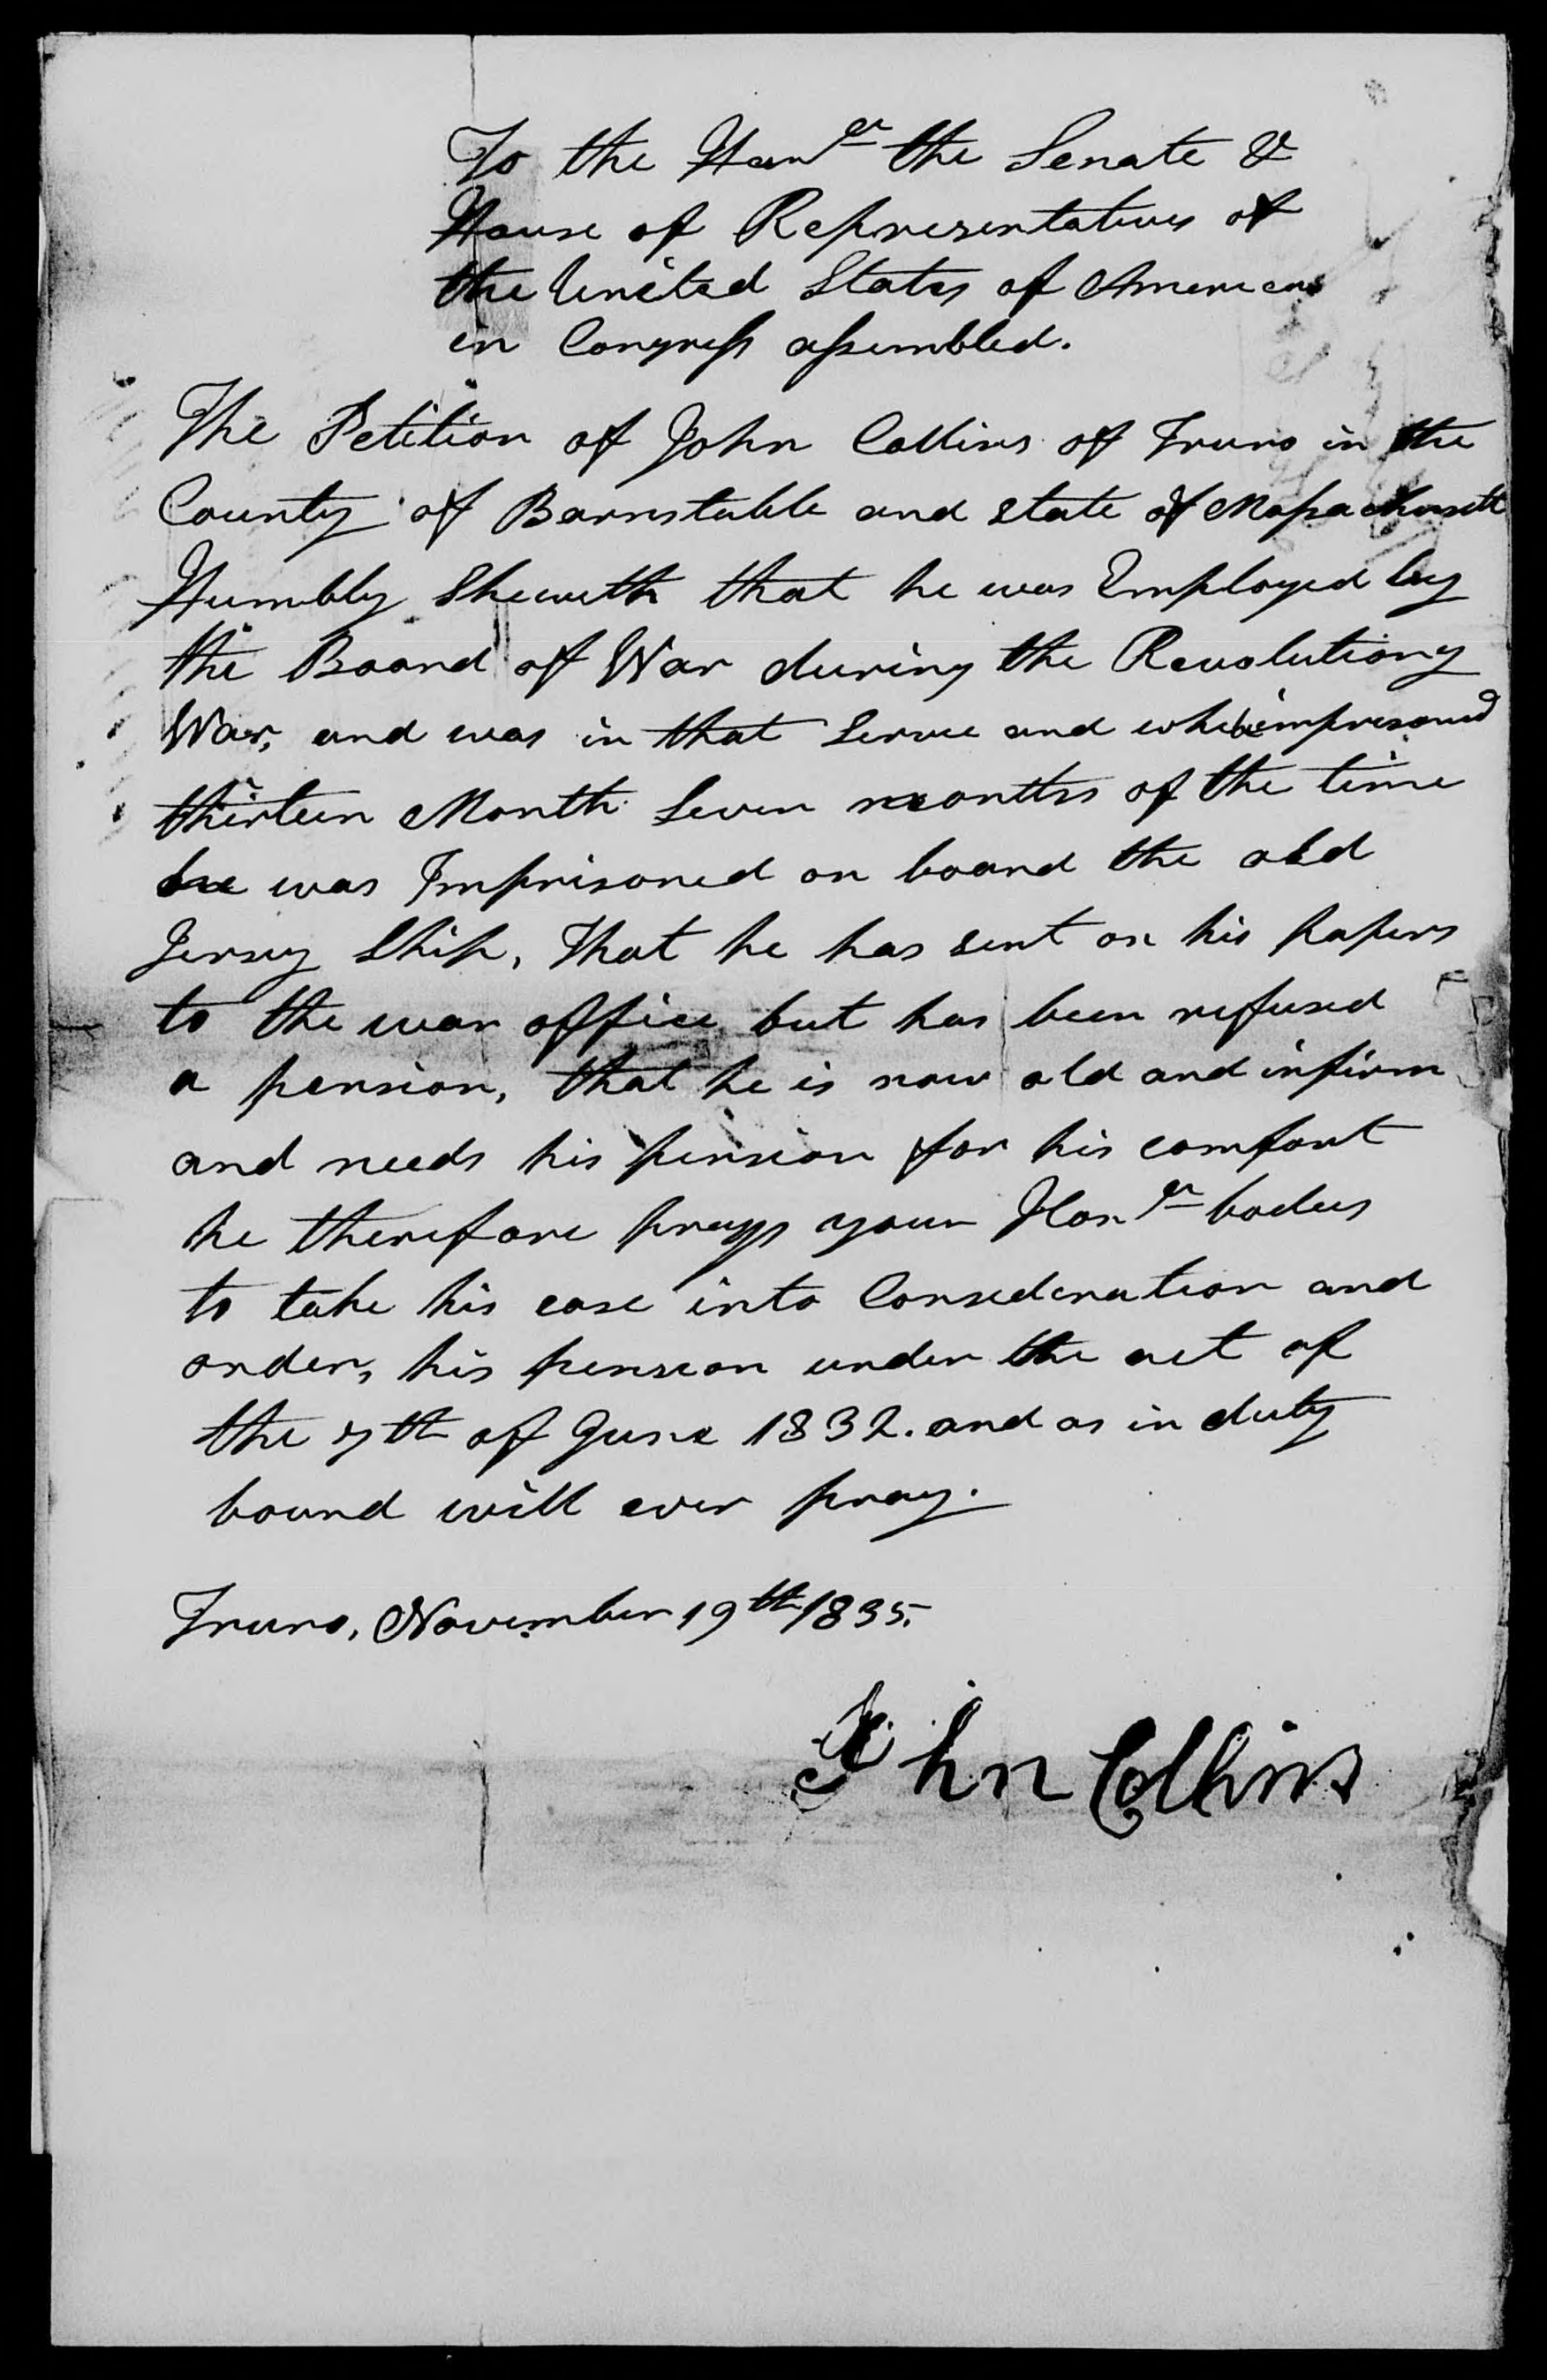To the Hon the Senate & House of Representatives of the United States of America in Congress assembled. 

The Petition of John Collins of Truro in the County of Barnstable and State of Massachusetts Humbly sheweth that he was employed by the Board of war during the Revolutionary War, and was in that service and while imprisoned thirteen month Seven months of the time was imprisoned on board the old Jersey Ship, that he has sent on his papers to the war office but has been refused a pension, that he is now old and infirm and needs his pension for his comfort he therefore prays your Hon. boders to take his case into consideration and order his pension under the act of the 7th of June 1832, and as in duty bound will ever pray. 
Truro, November 19th 1835. 
John Collins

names: John Collins, John Collins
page: 34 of 43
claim: survivor's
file: S. 29,732, John Collins, Mass. Navy